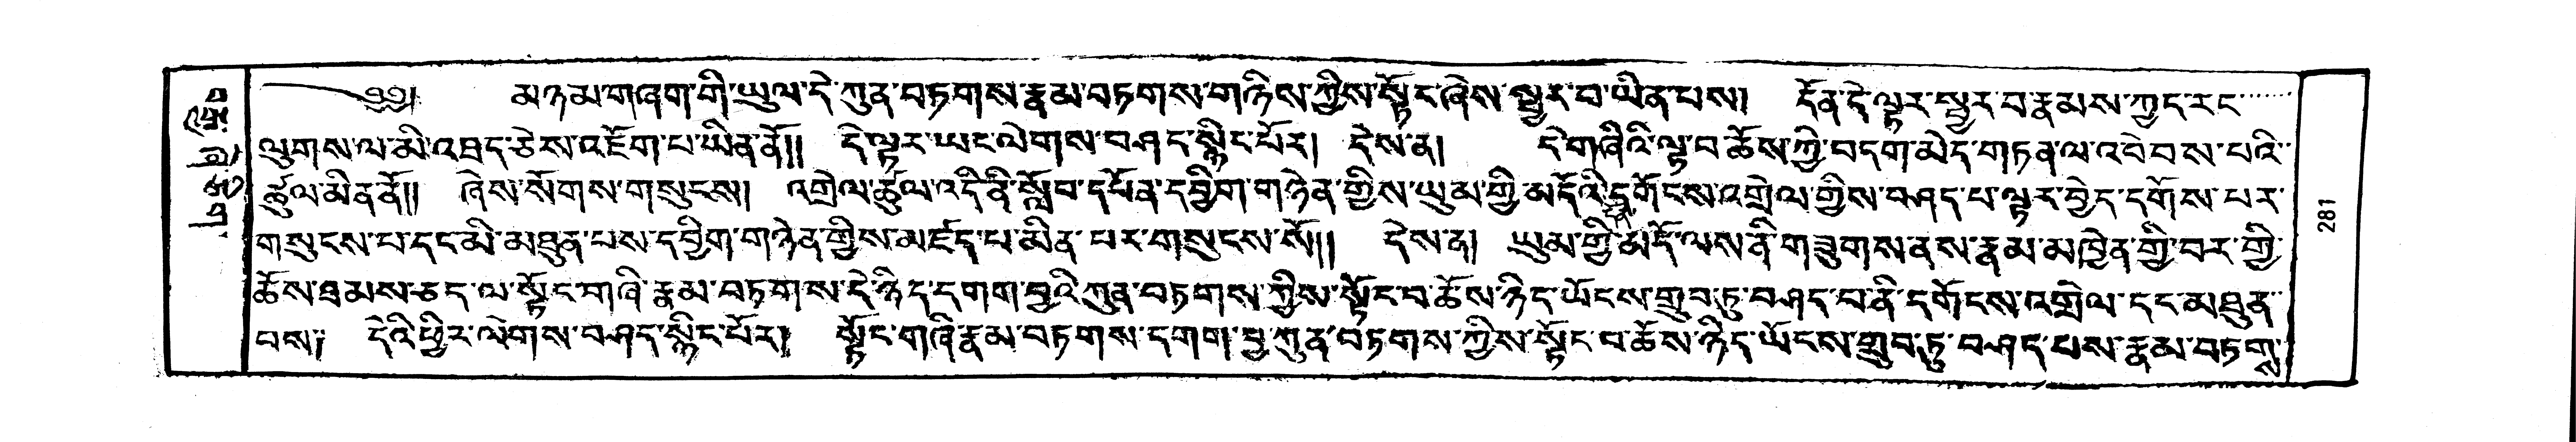༄༅། །མཉམ་གཞག་གི་ཡུལ་དེ་ཀུན་བཏགས་རྣམ་བཏགས་གཉིས་ཀྱིས་སྟོང་ཞེས་སྦྱར་བ་ཡིན་པས། དོན་དེ་ལྟར་སྦྱར་བ་རྣམས་ཀྱང་རང་
ལུགས་ལ་མི་འཐད་ཅེས་འཇོག་པ་ཡིན་ནོ། །དེ་ལྟར་ཡང་ལེགས་བཤད་སྙིང་པོར། དེས་ན། དེ་གཞིའི་ལྟ་བ་ཆོས་ཀྱི་བདག་མེད་གཏན་ལ་འབེབས་པའི་
ཚུལ་མིན་ནོ། །ཞེས་སོགས་གསུངས། འགྲེལ་ཚུལ་འདི་ནི་སློབ་དཔོན་དབྱིག་གཉེན་གྱིས་ཡུམ་གྱི་མདོའི་དོན་དགོངས་འགྲེལ་གྱིས་བཤད་པ་ལྟར་བྱེད་དགོས་པར་
གསུངས་པ་དང་མི་མཐུན་པས་དབྱིག་གཉེན་གྱིས་མཛད་པ་མིན་པར་གསུངས་སོ། །དེས་ན། ཡུམ་གྱི་མདོ་ལས་ནི་གཟུགས་ནས་རྣམ་མཁྱེན་གྱི་བར་གྱི་
ཆོས་ཐམས་ཅད་ལ་སྟོང་གཞི་རྣམ་བཏགས་དེ་ཉིད་དགག་བྱའི་ཀུན་བཏགས་ཀྱིས་སྟོང་བ་ཆོས་ཉིད་ཡོངས་གྲུབ་ཏུ་བཤད་པ་ནི་དགོངས་འགྲེལ་དང་མཐུན་
བས༑ དེའི་ཕྱིར་ལེགས་བཤད་སྙིང་པོར། སྟོང་གཞི་རྣམ་བཏགས་དགག་བྱ་ཀུན་བཏགས་ཀྱིས་སྟོང་བ་ཆོས་ཉིད་ཡོངས་གྲུབ་ཏུ་བཤད་པས་རྣམ་བཏགས་